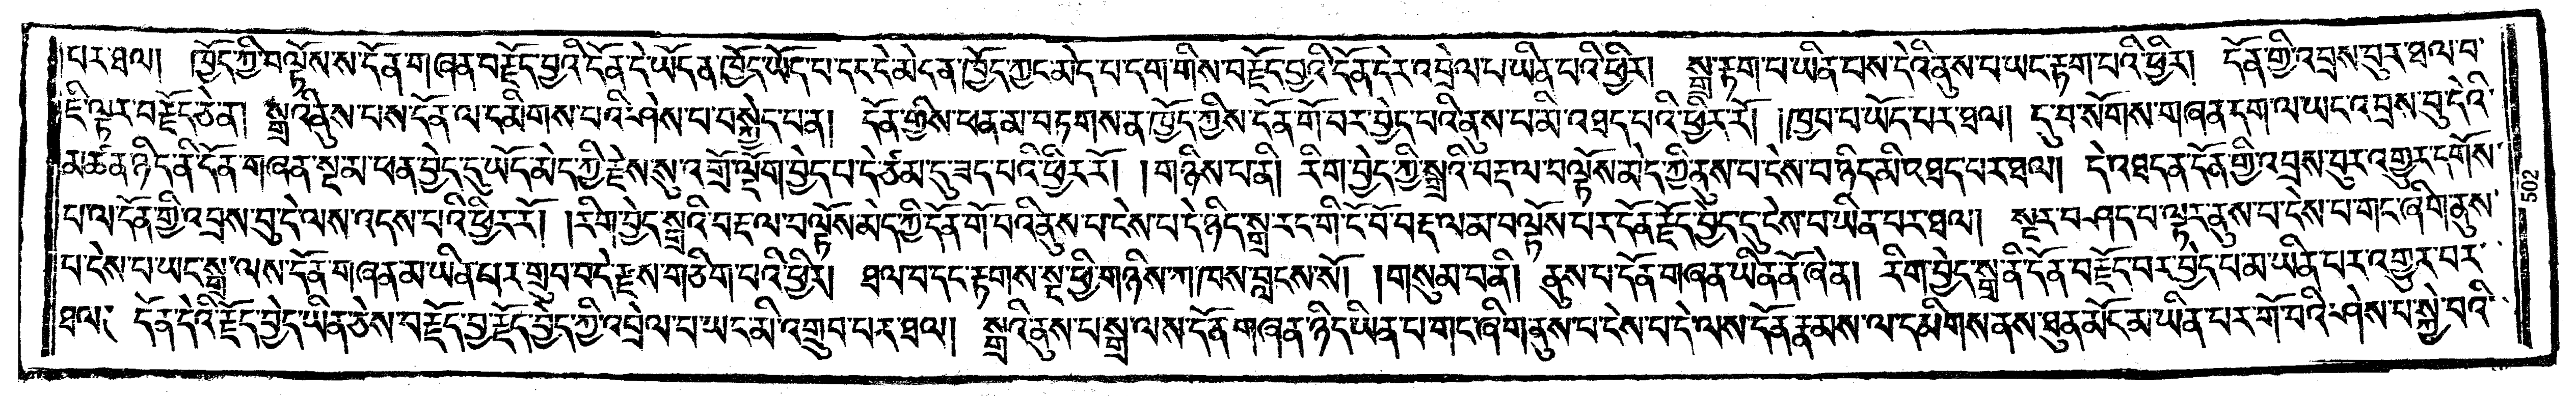པར་ཐལ། ཁྱོད་ཀྱི་བལྟོས་ས་དོན་གཞན་བརྗོད་བྱའི་དོན་དེ་ཡོད་ན་ཁྱོད་ཡོད་པ་དང་དེ་མེད་ན་ཁྱོད་ཀྱང་མེད་པ་དག་གིས་བརྗོད་བྱའི་དོན་དེར་འབྲེལ་པ་ཡིན་པའི་ཕྱིར། སྒྲ་རྟག་པ་ཡིན་པས་དེའི་ནུས་པ་ཡང་རྟག་པའི་ཕྱིར། དོན་གྱི་འབྲས་བུར་ཐལ་བ་
ཇི་ལྟར་བརྗོད་ཅེ་ན། སྒྲའི་ནུས་པས་དོན་ལ་དམིགས་པའི་ཤེས་པ་བསྐྱེད་པ་ན། དོན་གྱིས་ཕན་མ་བཏགས་ན་ཁྱོད་ཀྱིས་དོན་གོ་བར་བྱེད་པའི་ནུས་པ་མི་འཐད་པའི་ཕྱིར་རོ། །ཁྱབ་པ་ཡོད་པར་ཐལ། དུ་བ་སོགས་གཞན་དག་ལ་ཡང་འབྲས་བུ་དེའི་
མཚན་ཉིད་ནི་དོན་གཞན་སྔ་མ་ཕན་བྱེད་དུ་ཡོད་མེད་ཀྱི་རྗེས་སུ་འགྲོ་ལྡོག་བྱེད་པ་དེ་ཙམ་དུ་ཟད་པའི་ཕྱིར་རོ། །གཉིས་པ་ནི། རིག་བྱེད་ཀྱི་སྒྲའི་བརྡ་ལ་བལྟོས་མེད་ཀྱི་ནུས་པ་ངེས་པ་ཉིད་མི་འཐད་པར་ཐལ། དེ་འཐད་ན་དོན་གྱི་འབྲས་བུར་འགྱུར་དགོས་
པ་ལ་དོན་གྱི་འབྲས་བུ་དེ་ལས་འདས་པའི་ཕྱིར་རོ། །རིག་བྱེད་སྒྲའི་བརྡ་ལ་བལྟོས་མེད་ཀྱི་དོན་གོ་བའི་ནུས་པ་ངེས་པ་དེ་ཉིད་སྒྲ་རང་གི་ངོ་བོ་བརྡ་ལ་མ་བལྟོས་པར་དོན་རྗོད་བྱེད་དུ་ངེས་པ་ཡིན་པར་ཐལ། སྔར་བཤད་པ་ལྟར་ནུས་པ་ངེས་པ་གང་ཞིག་ནུས་
པ་ངེས་པ་ཡང་སྒྲ་ལས་དོན་གཞན་མ་ཡིན་པར་གྲུབ་བདེ་རྫས་གཅིག་པའི་ཕྱིར། ཐལ་བ་དང་རྟགས་སྔ་ཕྱི་གཉིས་ཀ་ཁས་བླངས་སོ། །གསུམ་པ་ནི། ནུས་པ་དོན་གཞན་ཡིན་ནོ་ཞེ་ན། རིག་བྱེད་སྒྲ་ནི་དོན་བརྗོད་པར་བྱེད་པ་མ་ཡིན་པར་འགྱུར་བར་
ཐལ། དོན་དེའི་རྗོད་བྱེད་ཡིན་ཅེས་བརྗོད་བྱ་རྗོད་བྱེད་ཀྱི་འབྲེལ་པ་ཡང་མི་འགྲུབ་པར་ཐལ། སྒྲའི་ནུས་པ་སྒྲ་ལས་དོན་གཞན་ཉིད་ཡིན་པ་གང་ཞིག་ནུས་པ་ངེས་པ་དེ་ལས་དོན་རྣམས་ལ་དམིགས་ནས་ཐུན་མོང་མ་ཡིན་པར་གོ་བའི་ཤེས་པ་སྐྱེ་བའི་